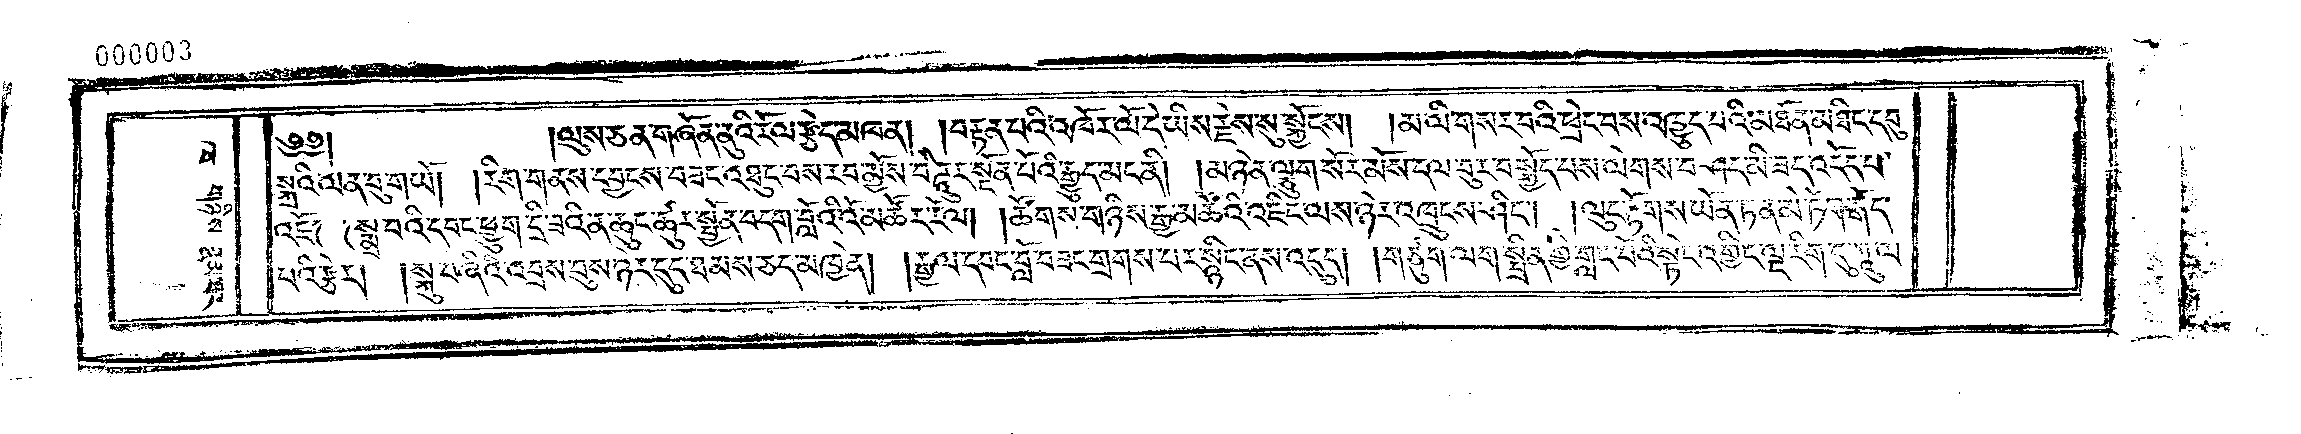༄༅། །ལུས་ཅན་གཞོན་ནུའི་རོལ་རྩེད་མཁན། །བརྟན་པའི་འཁོར་ལོ་དེ་ཡིས་རྗེས་སུ་སྐྱོངས། །མ་ལི་གསར་བའི་ཕྲེང་བས་འཁྱུད་པའི་མཐོན་མཐིང་དབུ་
སྐྲའི་ལན་བུ་གཡོ། །རིག་གནས་དབྱངས་བཟང་འཐུང་བས་རབ་མྱོས་བཻཌཱུར་སྔོན་པོའི་རྒྱུད་མང་ནི། །མཉེན་ལྕུག་སོར་མོས་དལ་བུར་བསྐྱོད་པས་ལེགས་བཤད་མི་ཟད་འདོད་པ་
འཇོ༑ ༑སྨྲ་བའི་དབང་ཕྱུག་དྲི་ཟའི་ན་ཆུང་ཚུར་སྤྱོན་བདག་བློའི་འོ་མཚོར་རོལ། །ཚོགས་གཉིས་རྒྱ་མཚོའི་འཇིང་ལས་ཉེར་འཁྲུངས་ཤིང་། །ལུང་རྟོགས་ཡོན་ཏན་མེ་ཏོག་རྒོད་
པའི་རྩེར། །སྐུ་བཞིའི་འབྲས་བུས་ཉེར་དུད་ཐམས་ཅད་མཁྱེན། །རྒྱལ་དབང་བློ་བཟང་གྲགས་པར་སྙིང་ནས་འདུད། །གཙུག་ལག་སྤྲིན་གྱི་གླང་པོའི་སྟེང་འགྱིང་ལྔ་རིག་དུ་ཀཱུ་ལ་